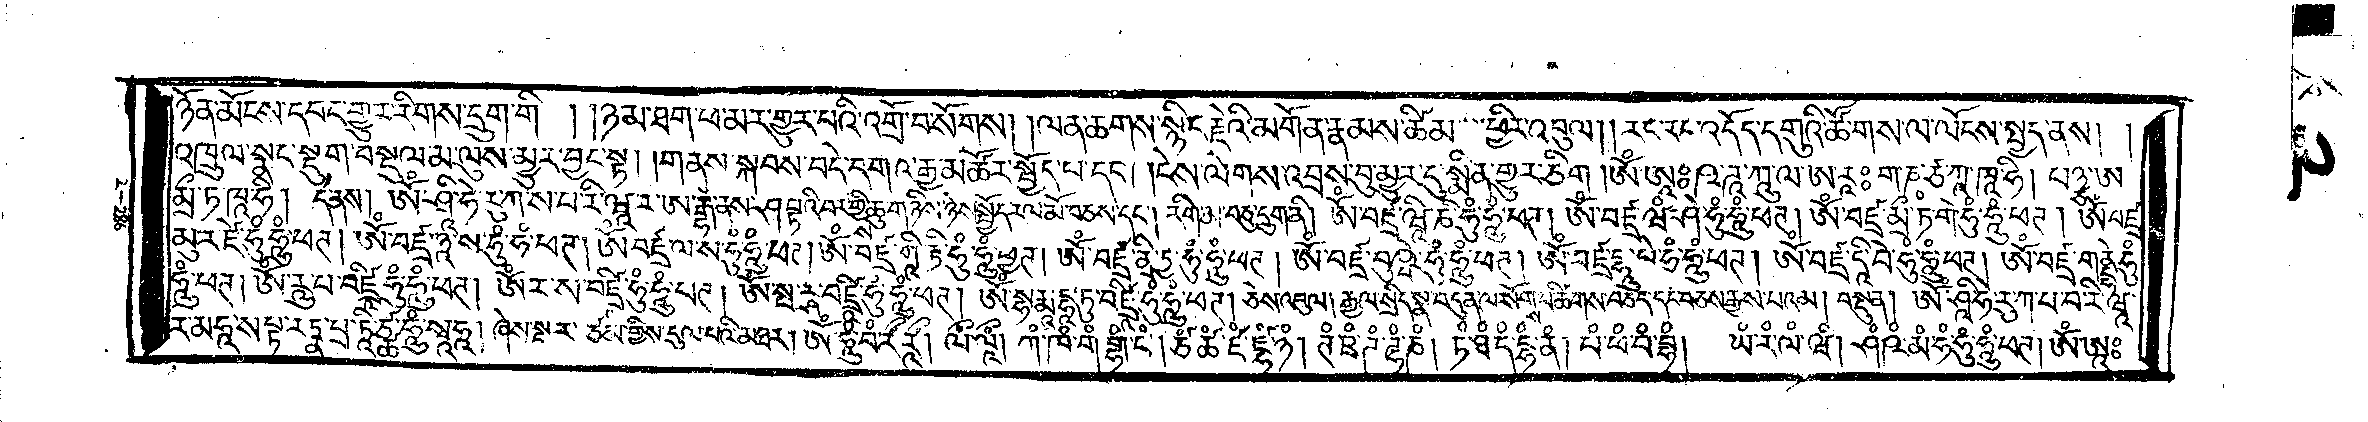ཉོན་མོངས་དབང་གྱུར་རིགས་དྲུག་གི། །ཉམ་ཐག་ཕ་མར་གྱུར་བའི་འགྲོ་བ་སོགས། །ལན་ཆགས་སྙིང་རྗེའི་མགོན་རྣམས་ཚིམ་ཕྱིར་འབུལ། །རང་རང་འདོད་དགུའི་ཚོགས་ལ་ལོངས་སྤྱད་ནས། །
འཁྲུལ་སྣང་སྡུག་བསྔལ་མ་ལུས་མྱུར་བྱང་སྟེ། །གནས་སྐབས་བདེ་དགའ་རྒྱ་མཚོར་སྦྱོད་པ་དང་། །ངེས་ལེགས་འབྲས་བུ་མྱུར་དུ་སྨིན་གྱུར་ཅིག །ཨོཾ་ཨཱཿ ཥ་ཌཱ་ཀཱུ་ལ་ཨ་རཱཿ ག་ཎ་ཙ་ཀཱ་ཁཱ་ཧི། པཉྩ་ཨ་
མྲྀ་ཏ་ཁཱ་ཧི། དེ་ནས། ཨོཾ་ཤྲཱི་ཧེ་རུ་ཀ་ས་པ་རི་ཝཱ་ར་ཨ་རྒྷཾ་ནས་ཤཔྟའི་བར་གྱི་ཆུ་གཉིས་ཉེས་སྦྱོར་རལ་མོ་བཅས་དང་། །རིག་མ་བཅུ་དྲུག་ནི། ཨོཾ་བཛྲ་ཝཱི་ཎི་ཧཱུཾ་ཧཱུཾ་ཕཊ། ཨོཾ་བཛྲ་ཝཾ་ཤེ་ཧཱུཾ་ཧཱུཾ་ཕཊ། ཨོཾ་བཛྲ་མྲྀ་ཏཾ་ཏེ་ཧཱུཾ་ཧཱུཾ་ཕཊ། ཨོཾ་བཛྲ་
མུར་ཛེ་ཧུཾ་ཧཱུཾ་ཕཊ། ཨོཾ་བཛྲ་ཉཱ་ས་ཧུཾ་ཧཱུཾ་ཕཊ། ཨོཾ་བཛྲ་ལ་ས་ཧུཾ་ཧཱུཾ་ཕཊ། ཨོཾ་བཛྲ་གཱི་རྟི་ཧུཾ་ཧཱུཾ་ཕྱཊ། ཨོཾ་བཛྲ་ནྲི་དྱ་ཧཱུཾ་ཧཱུཾ་ཕཊ། ཨོཾ་བཛྲ་བུཥྤེ་ཧུཾ་ཧཱུཾ་ཕཊ། ཨོཾ་བཛྲ་དྷཱུ་པེ་ཧྲཾ་ཧཱུཾ་ཕཊ། ཨོཾ་བཛྲ་དཱི་བེ་ཧུཾ་ཧཱུཾ་ཕཊ། ཨོཾ་བཛྲ་གནྡྷེ་ཧུཾ་
ཧཱུཾ་ཕཊ། ཨོཾ་རཱུ་པ་བཛྲཱི་ཧུཾ་ཧཱུཾ་ཕཊ། ཨོཾ་ར་ས་བཛྲི་ཧུཾ་ཧཱུཾ་ཕཊ། ཨོཾ་སྤ་རྴ་བཛྲི་ཧུཾ་ཧཱུཾ་ཕཊ། ཨོཾ་ཤརྨཱ་དྷཱ་ཏུ་བཛྲི་ཧུཾ་ཧཱུཾ་ཕཊ། ཅེས་འབུལ། རྒྱལ་སྲེད་སྣ་བདུན་ལ་སོགས་པ་ཚིགས་བཅོད་དང་བཅས་རྒྱས་པའམ། བསྡུན། ཨོཾ་སཱི་ཧེ་རུ་ཀ་པ་བ་རི་ཝཱ་
ར་མཧཱ་སཔྟ་རཏྣ་པྲ་ཏཱི་ཙྪ་ཧཱུཾ་སྭཱ་ཧཱ། ཞེས་སྔར་ཙམ་གྱིས་དུལ་པའི་མཐར། ཨོཾ་ཧཱུཾ་བཾ་རྀ་རཱྀ། ལྀཾ་ལཱྀཾ། ཀཾ་ཁཾ་གཾ་གྷཾ་ངཾ། ཙཾ་ཚཾ་ཛཾ་ཛྷཾ་ཉཾ། ཊཾ་ཊཿཨཾ་ཌཾ་ཌཿཨཾ་ཎཾ། ཏཾ་ཐཾ་དཾ་དྷཾ་ནཾ། པཾ་ཕཾ་བཾ་བྷཾ། ཡཾ་རཾ་ལཾ་ཝཾ། ཤཾ་ཥཾ་མཾ་ཧཾ་ཧུཾ་ཧཱུཾ་ཕཊ། ཨོཾ་ཨཱཿ